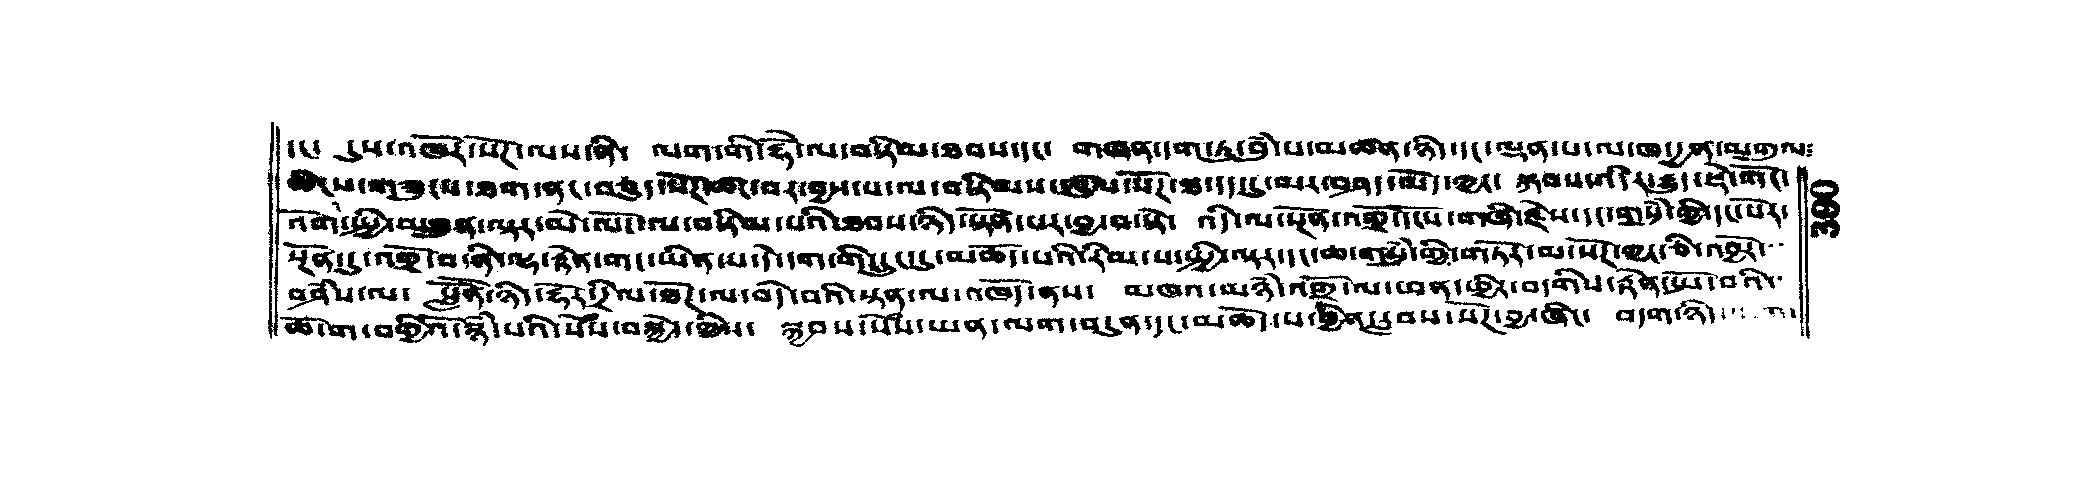དང་། དུས་འཁོར་སོགས་ལས་ནི། ལག་གི་རྡོ་རྗེ་ལ་བསྟིམ་ཐབས་དང་། གཞན་དག་ཏུ་བུམ་པ་མཚན་ཉིད་དང་ལྡན་པ་ལ་ཁ་རྒྱན་མགུལ་
ཆིངས་གཟུངས་ཐག་ནང་བཅུད་སོགས་ཚང་བར་བྱས་པ་ལ་བསྟིམས་ཚུལ་སོགས་ཐ་དད་དུ་མར་བཤད་མོད་ཀྱང་། སྐབས་འདིར་རྒྱུད་སྡེ་གོང་
འོག་སྤྱི་མཐུན་ལྟར་མེ་ལོང་ལ་བསྟིམ་པའི་ཐབས་ཉིད་སྟོན་པར་བྱ་བ་སྟེ། འདི་ལ་སྔོན་འགྲོ་དངོས་གཞི་རྗེས་དང་གསུམ་གྱི་དང་པོར་
སྔོན་དུ་འགྲོ་བ་ནི་ལྷ་རྟེན་གང་ཡིན་པ་དེ་དག་གི་དྲུང་དུ་མཆོད་པའི་རིམ་པ་སྤྱི་ལྟར་དང་ཆ་གསུམ་གྱི་གཏོར་མ་སོགས་ཀྱང་ཅི་འབྱོར་
བཤམས་ལ། སློབ་དཔོན་ཉིད་རྡོར་དྲིལ་ཐོགས་ལ་བདེ་བའི་སྟན་ལ་འཁོད་ནས།མཁའ་མཉམ་འགྲོ་ལ་ཕན་ཕྱིར་བདག་གིས་རྟེན་སྤོ་བའི་
ཆོ་ག་བགྱིའོ་སྙམ་པའི་སེམས་བསྐྱེད་ཀྱིས། སྐྱབས་སེམས་ཡན་ལག་བདུན་དང་མཆོད་པ་བྱིན་རླབས་སོགས་བྱ་ཞིང་། བདག་ཉིད་